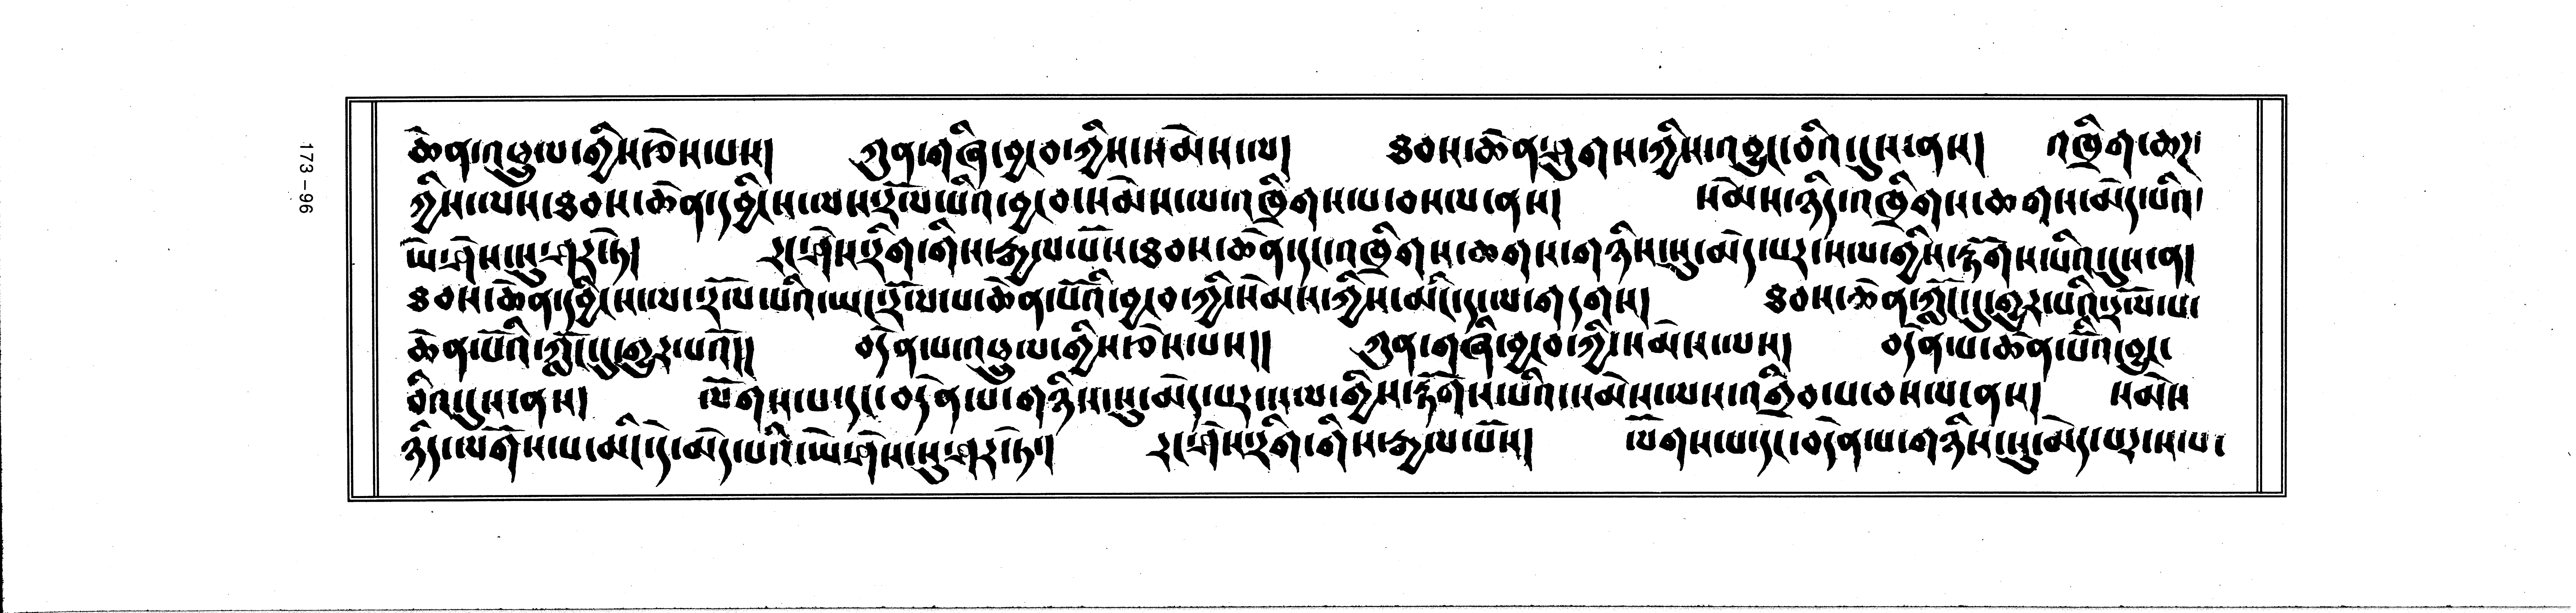ཆེན་འཕྲུལ་གྱིས་ཅེས་པས། ཀུན་གཞི་བྱང་ཆུབ་ཀྱི་སེམས་ལ། ཐབས་ཆེན་ཤུགས་ཀྱིས་འབྱུང་བའི་དུས་ན། འཁྲིག་ཆགས་
ཀྱི་ལས་ཐབས་ཆེན་དབྱིངས་ལ་རོལ་པའི་བྱང་ཆུབ་སེམས་ལ་འཁྲིག་པ་བསལ་ནས། སེམས་ཉིད་འཁྲིག་ཆགས་མེད་པའི་
ཡེ་ཤེས་སུ་ཤར་ཏེ། རང་ཤེས་རིག་གི་རྒྱལ་པོ་ཐབས་ཆེན་དང་། འཁྲིག་ཆགས་གཉིས་སུ་མེད་པར་སལ་གྱིས་རྟོགས་པའི་དུས་ན། 
ཐབས་ཆེན་དབྱིངས་ལ་རོལ་པའི་ཡང་རོལ་པ་ཆེན་པོའི་བྱང་ཆུབ་ཀྱི་སེམས་ཀྱིས་མིང་དེ་ལ་གདགས། ཐབས་ཆེན་ཀློང་དུ་གྱུར་པའི་རོལ་པ་
ཆེན་པོའི་ཀློང་དུ་གྱུར་པའོ། །བདེན་པ་འཕྲུལ་གྱིས་ཅེས་པས། ཀུན་གཞི་བྱང་ཆུབ་ཀྱི་སེམས་ལས་བདེན་པ་ཆེན་པོ་བྱུང་
བའི་དུས་ནས། ལོག་པ་དང་བདེན་པ་གཉིས་སུ་མེད་པར་སལ་གྱིས་རྟོགས་པའི་སེམས་ལས་འགྲིབ་པ་བསལ་ནས། སེམས་
ཉིད་ལོགས་པ་མིང་དེ་མེད་པའི་ཡེ་ཤེས་སུ་ཤར་ཏེ། རང་ཤེས་རིག་གི་རྒྱལ་པོས། ལོགས་པ་དང་བདེན་པ་གཉིས་སུ་མེད་པར་སལ་གྱིས་